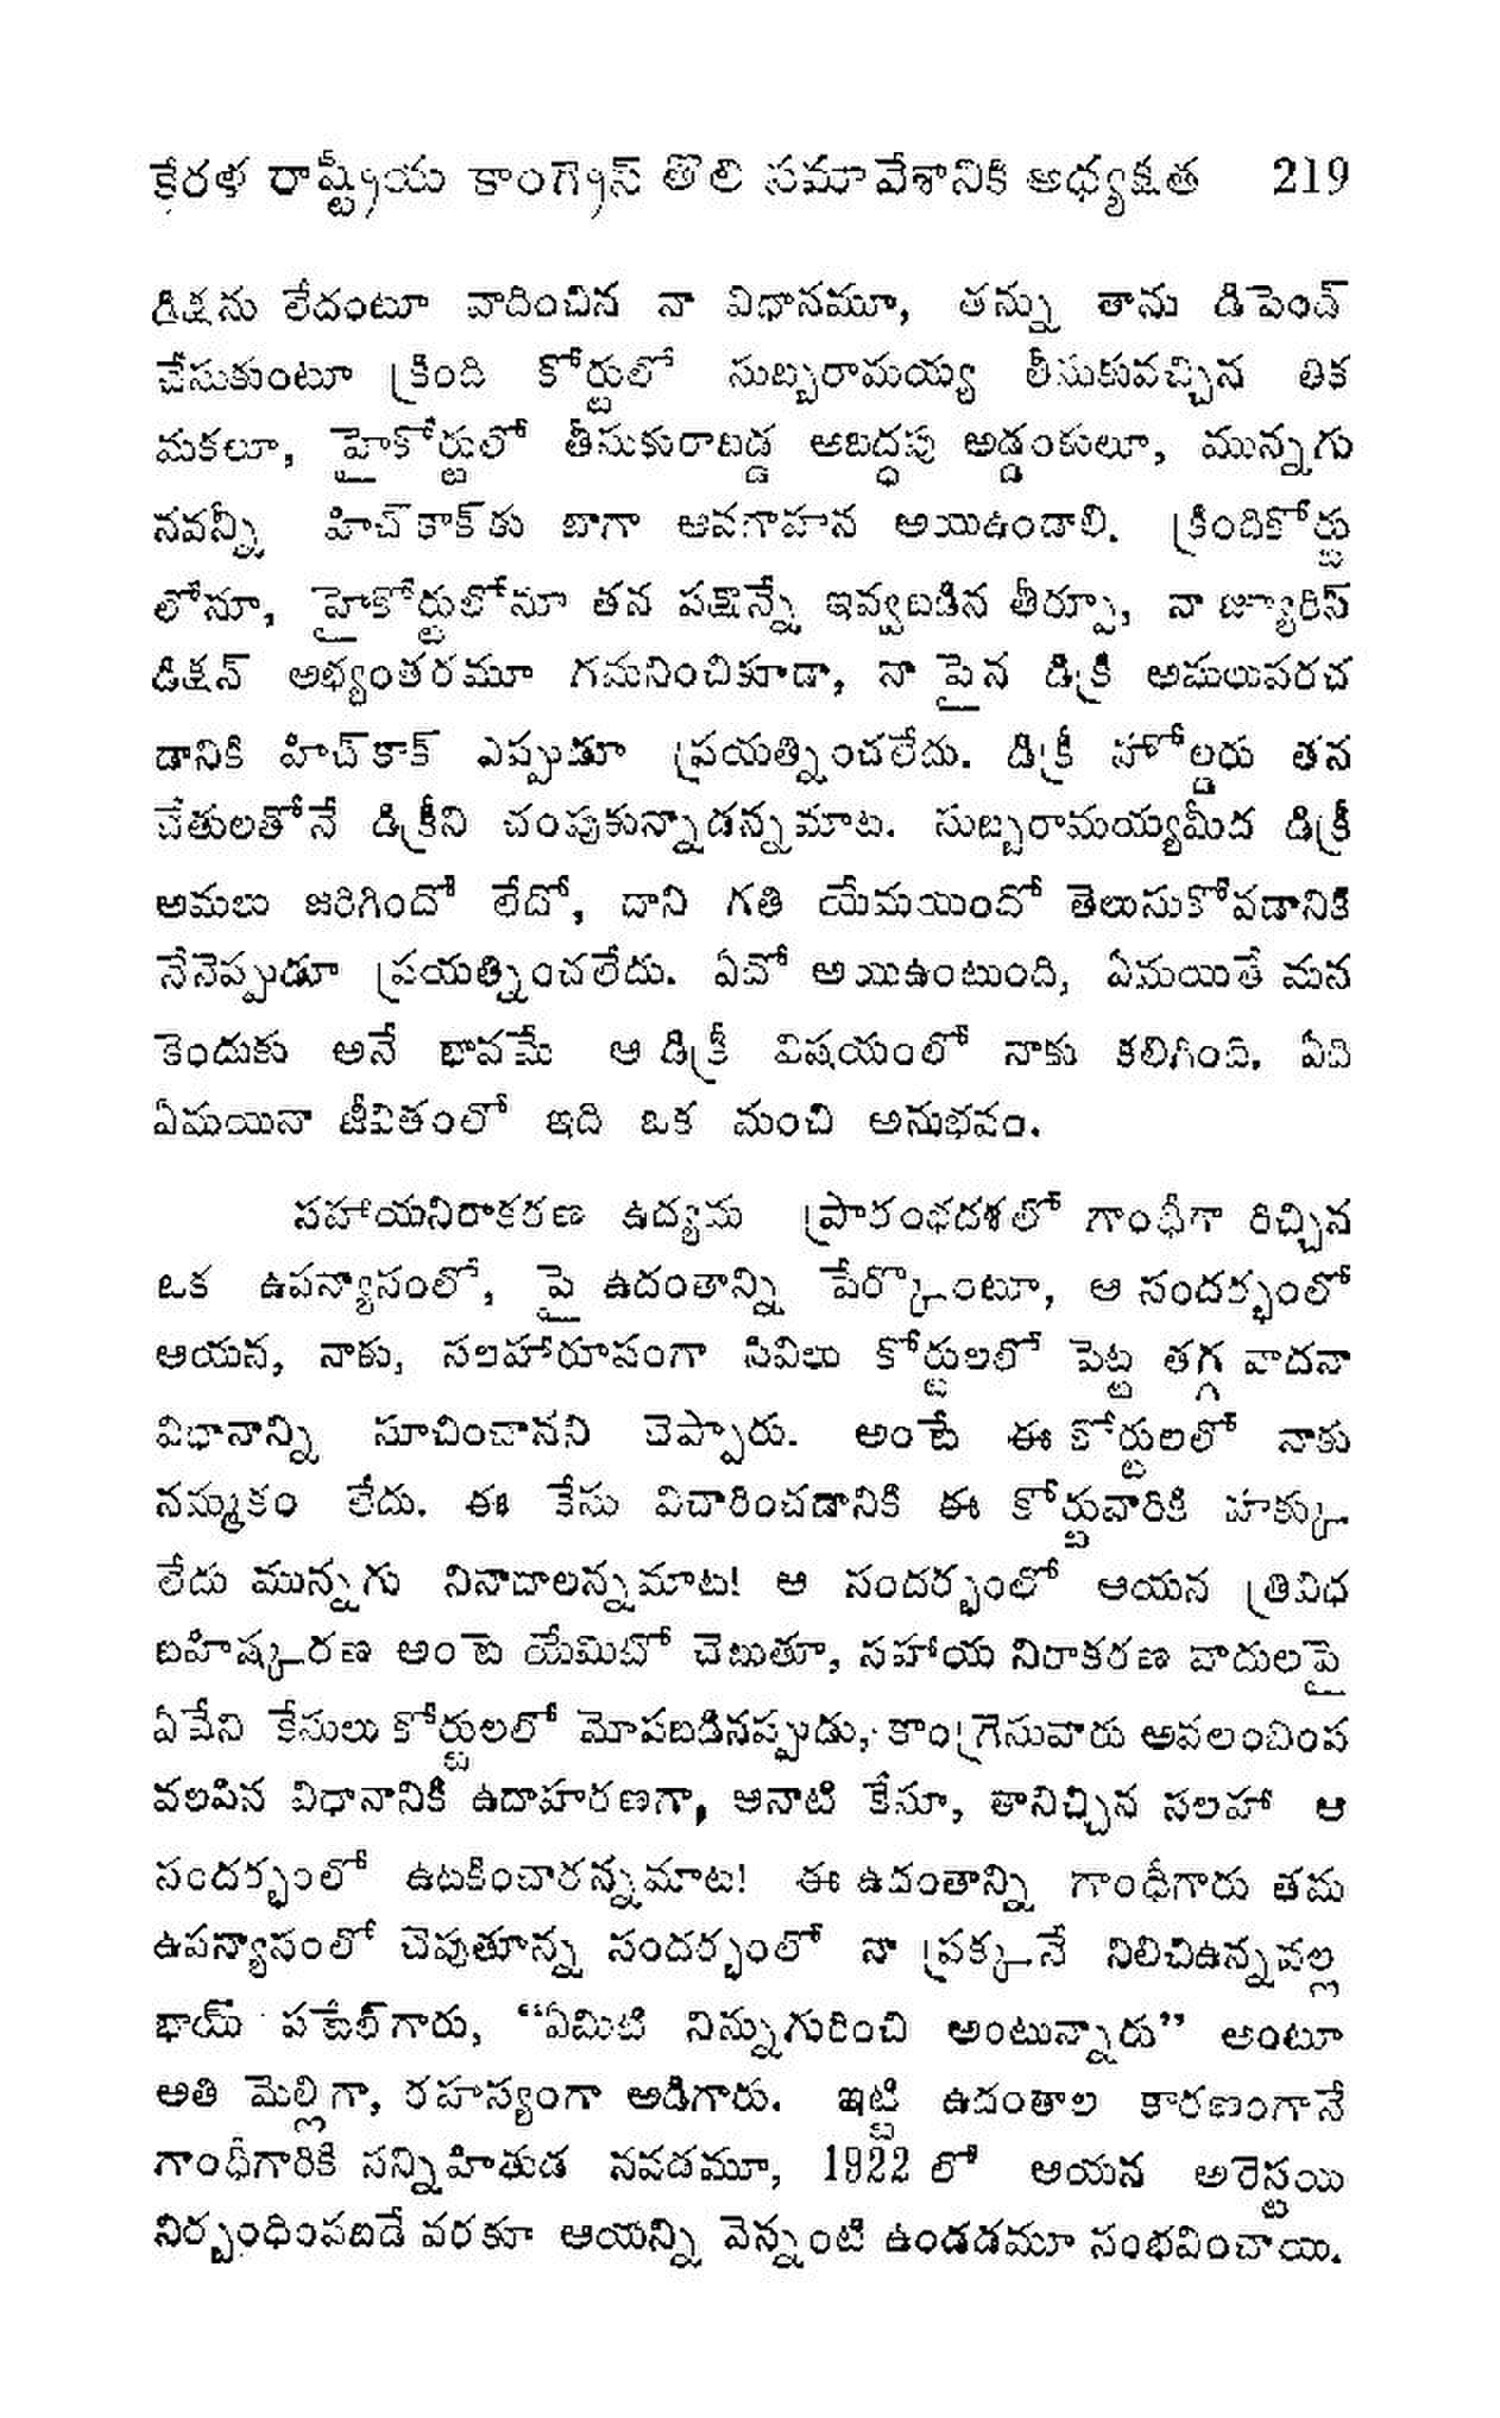డిక్షను లేదంటూ వాదించిన నా విధానమూ, తన్ను తాను డిపెండ్ చేసుకుంటూ క్రింది కోర్టులో సుబ్బరామయ్య తీసుకువచ్చిన తికమకలూ, హైకోర్టులో తీసుకురాబడ్డ అబద్ధపు అడ్డంకులూ, మున్నగువన్నీ హిచ్‌కాక్‌కు బాగా అవగాహన అయిఉండాలి. క్రిందికోర్టులోనూ, హైకోర్టులోనూ తన పక్షాన్నే ఇవ్వబడిన తీర్పూ, నాజ్యూరిస్ డీక్షన్ అభ్యంతరమూ గమనించకుండా, నాపైన డిక్రి అమలుపరచడానికి హిచ్‌కాక్ ఎప్పుడూ ప్రయత్నించలేదు. డిక్రీ హోల్డరు తన చేతులతోనే డిక్రీని చంపుకున్నాడన్నమాట. సుబ్బరామయ్యమీద డిక్రీ అమలు జరిగిందో లేదో, దాని గతి యేమయిందో తెలుసుకోవడానికి నేనెప్పుడూ ప్రయత్నించలేదు. ఏదో అయిఉంటుంది, ఏమయితే మన కెందుకు అనే భావమే ఆ డిక్రీ విషయంలో నాకు కలిగింది. ఏది ఏమయినా జీవితంలో ఇది ఒక మంచి అనుభవం

సహాయనిరాకరణ ఉధ్యమ ప్రారంభదశలో గాంధీగా రిచ్చిన ఒక ఉపన్యాసంలో, పై ఉదంతాన్ని పేర్కొంటూ, అ సందర్భంలో ఆయన, నాకు, సలహారూపంగా సివిలు కోర్టులలో పెట్ట తగ్గ వాదనావిధానాన్ని సూచించానని చెప్పారు. అంటే ఈ కోర్టులలో నాకు నమ్మకం లేదు. ఈ కేసు విచారించడానికి ఈ కోర్టువారికి హక్కు లేదు మున్నగు నినాదాలన్నమాట! ఆ సందర్భంలో ఆయన త్రివిధ బహిష్కరణ అంటే యేమిటో చెబుతూ, సహాయ నిరాకరణ వాదులపై ఏవేని కేసులు కోర్టులలో మోపబడినప్పుడు, కాంగ్రెసువారు అవలంబింప వలసిన విధానానికి ఉదాహరణగా, ఆనాటి కేసూ, తానిచ్చిన సలహా ఆ సందర్భంలో ఉటకించారన్నమాట! ఈ ఉదంతాన్ని గాంధీగారు తమ ఉపన్యాసంలో చెపుతూన్న సందర్భంలో నా ప్రక్కనే నిలిచిఉన్న వల్లభాయ్ పటేల్‌గారు, "ఏమిటి నిన్నుగురించి అంటున్నారు" అంటూ అతి మెల్లిగా, రహస్యంగా అడిగారు. ఇట్టి ఉదంతాల కారణంగానే గాంధీగారికి సన్నిహితుడ నవడమూ, 1922 లో ఆయన అరెస్టయి నిర్బంధింపబడే వరకూ ఆయన్ని వెన్నంటి ఉండడమూ సంభవించాయి.